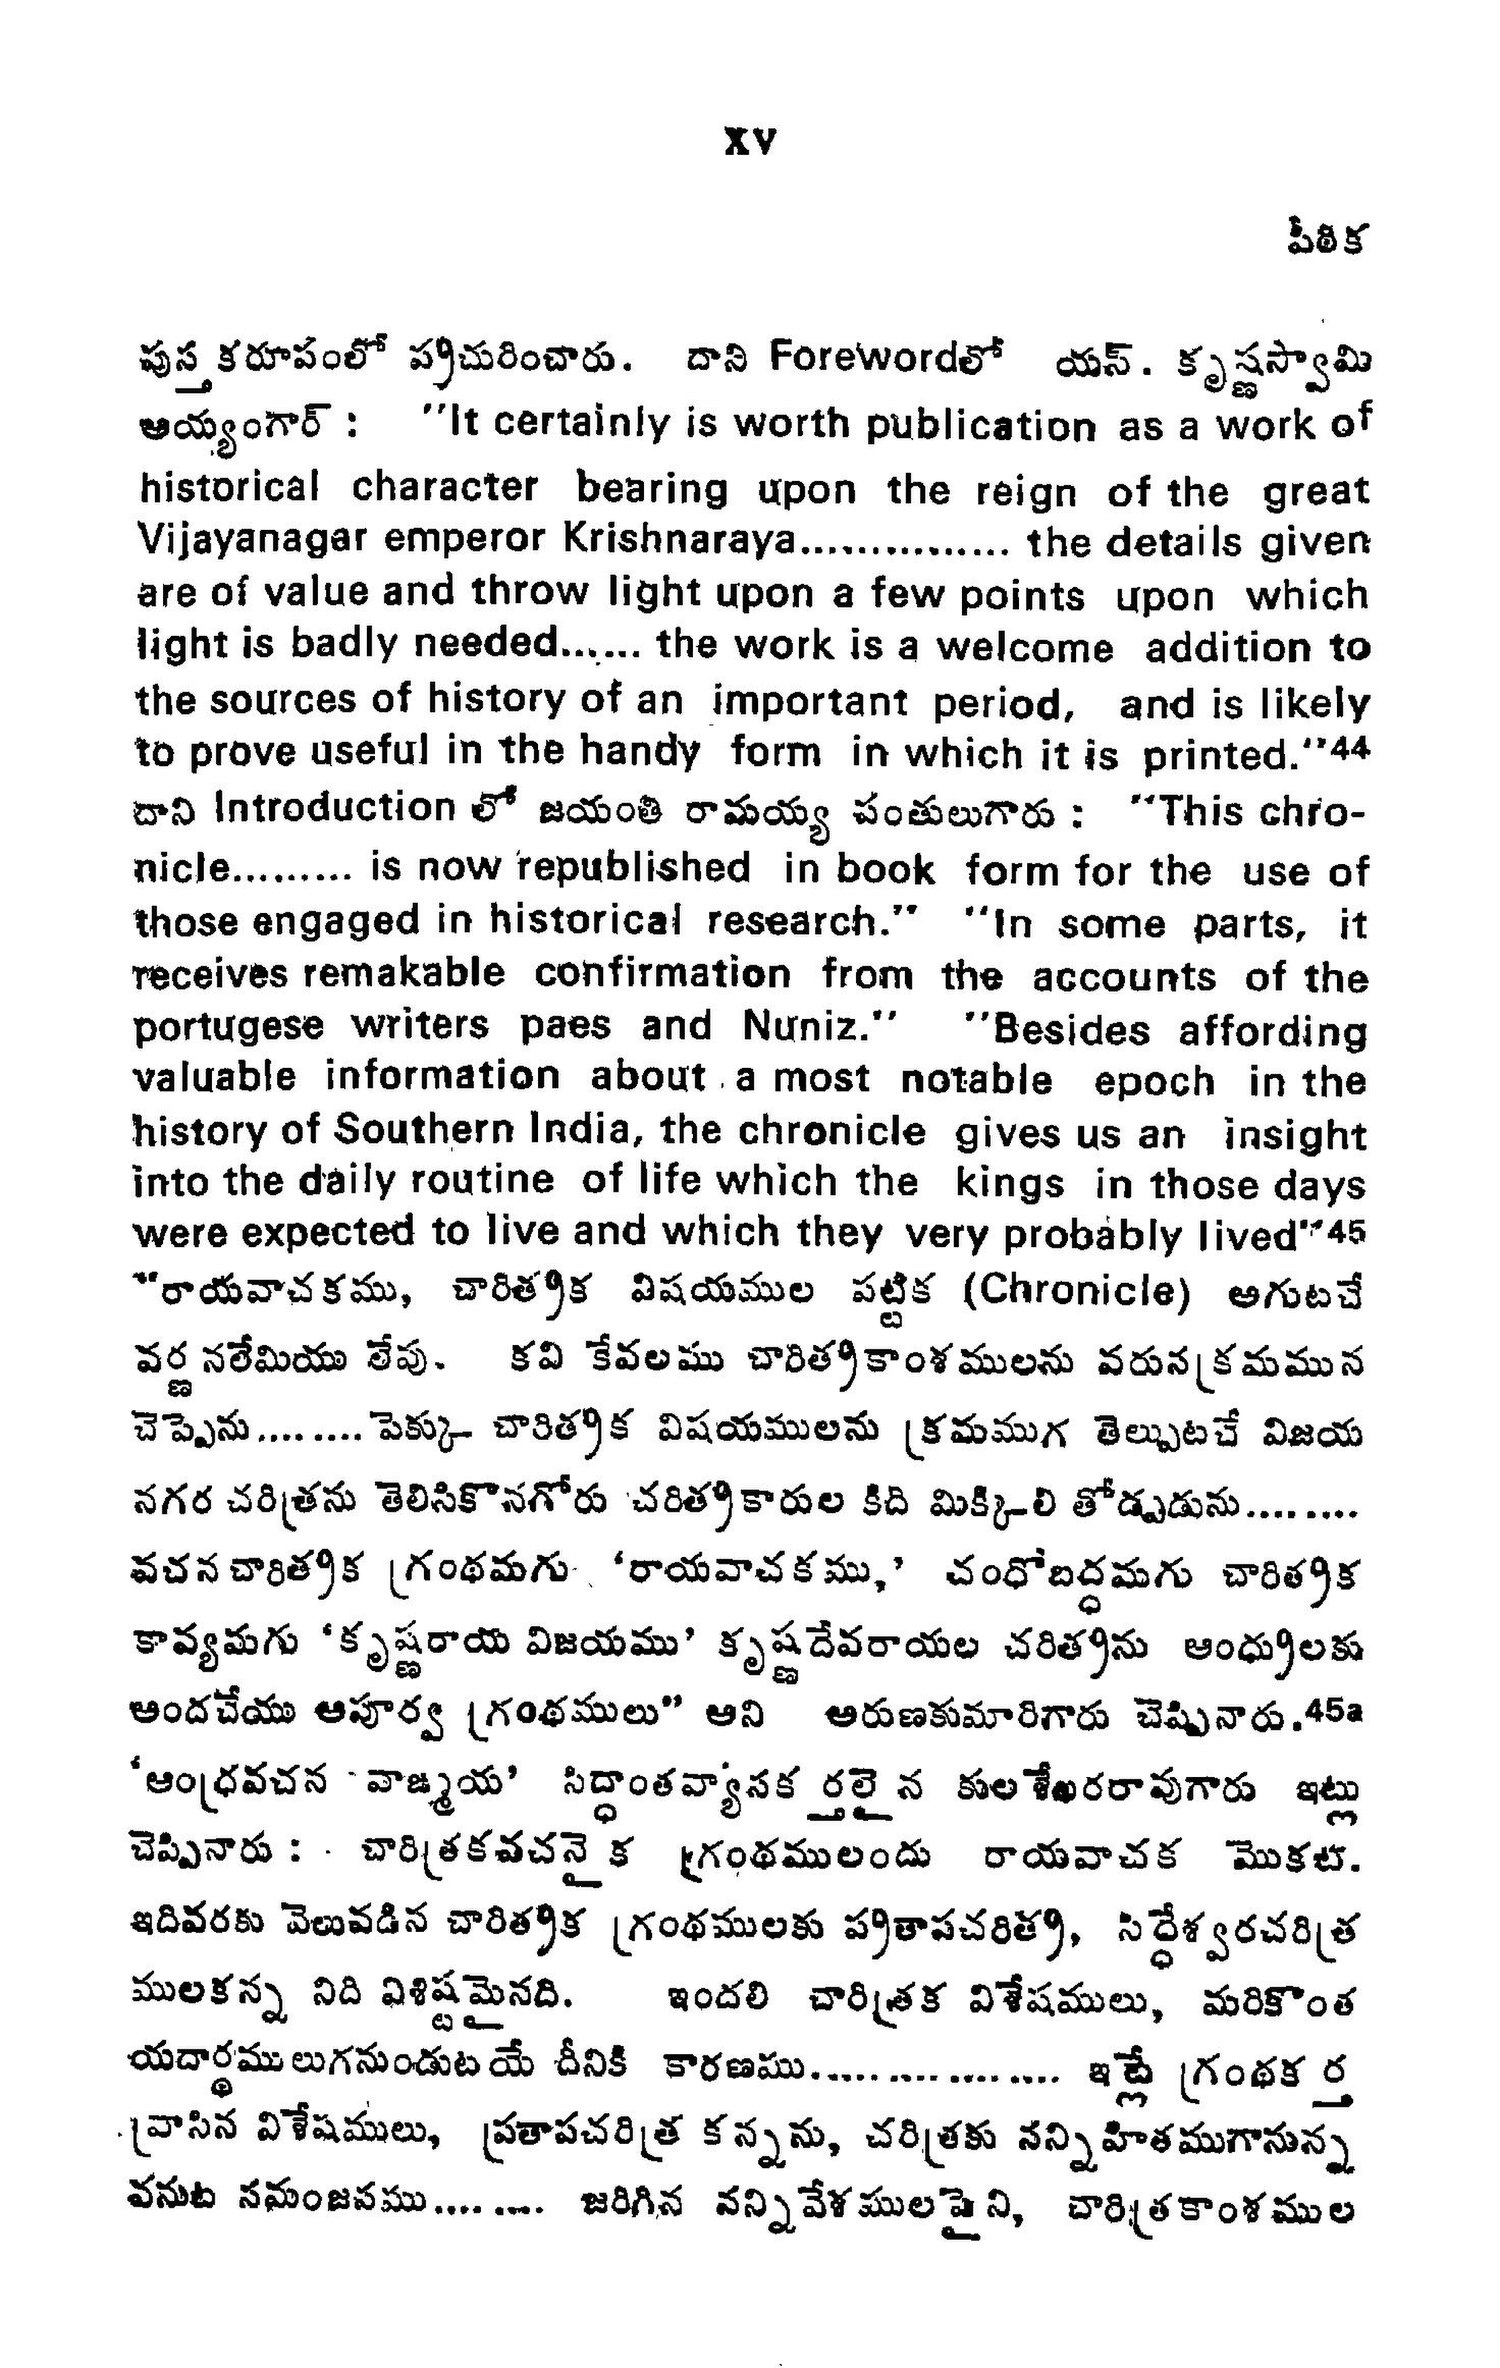పుస్తకరూపంలో ప్రచురించారు. దాని Forewordలో యస్. కృష్ణస్వామి అయ్యంగార్ : "It certainly is worth publication as a work of historical character bearing upon the reign of the great Vijayanagar emperor Krishnaraya ................... the details given are of value and throw light upon a few points upon which light is badly needed...... the work is a welcome addition to the sources of history of an important period, and is likely to prove useful in the handy form in which it is printed." దాని Introduction లో జయంతి రామయ్య పంతులుగారు : "This chronicle......... is now republished in book form for the use of those engaged in historical research." "in some parts, it receives remarkable confirmation from the accounts of the Portuguese writers Paes and Nuniz." "Besides affording valuable information about a most notable epoch in the history of Southern India, the chronicle gives us an insight into the daily routine of life which the kings in those days were expected to live and which they very probably lived" "రాయవాచకము, చారిత్రకవిషయముల పట్టిక (Chronicle) అగుటచే వర్ణన లేమియు లేవు. కవి కేవలము చారిత్రకాంశములను వరుసక్రమమున చెప్పెను.... .... పెక్కు చారిత్రక విషయములను క్రమముగ తెల్పుటచే విజయనగరచరిత్రను తెలిసికొనగోరు చరిత్రకారుల కిది మిక్కిలి తోడ్పడును.......వచన చారిత్రకగ్రంథమగు 'రాయవాచకము, ' చంధోబద్దమగు చారిత్రకకావ్యమగు ‘కృష్ణరాయవిజయము' కృష్ణదేవరాయల చరిత్రను ఆంధ్రులకు అందచేయు అపూర్వగ్రంథములు" అని అరుణకుమారిగారు చెప్పినారు. 'ఆంధ్రవచనవాఙ్మయ' సిద్ధాంతవ్యాసకర్తలైన కులశేఖరరావుగారు ఇట్లు చెప్పినారు : చారిత్రకవచనైకగ్రంథములందు రాయవాచక మొకటి. ఇదివరకు 'వెలువడిన చారిత్రకగ్రంథములగు ప్రతాపచరిత్ర, సిద్ధేశ్వరచరిత్రములకన్న నిది విశిష్టమైనది. ఇందలి చారిత్రకవిశేషములు, మరికొంత యథార్థములుగ నుండుటయే దీనికి కారణము.......... ఇట్లే గ్రంథకర్త వ్రాసిన విశేషములు, ప్రతాపచరిత్రకన్నను, చరిత్రకు సన్నిహితముగా నున్నవనుట సమంజసము..... జరిగిన సన్నివేశములపైని, చారిత్రకాంశముల